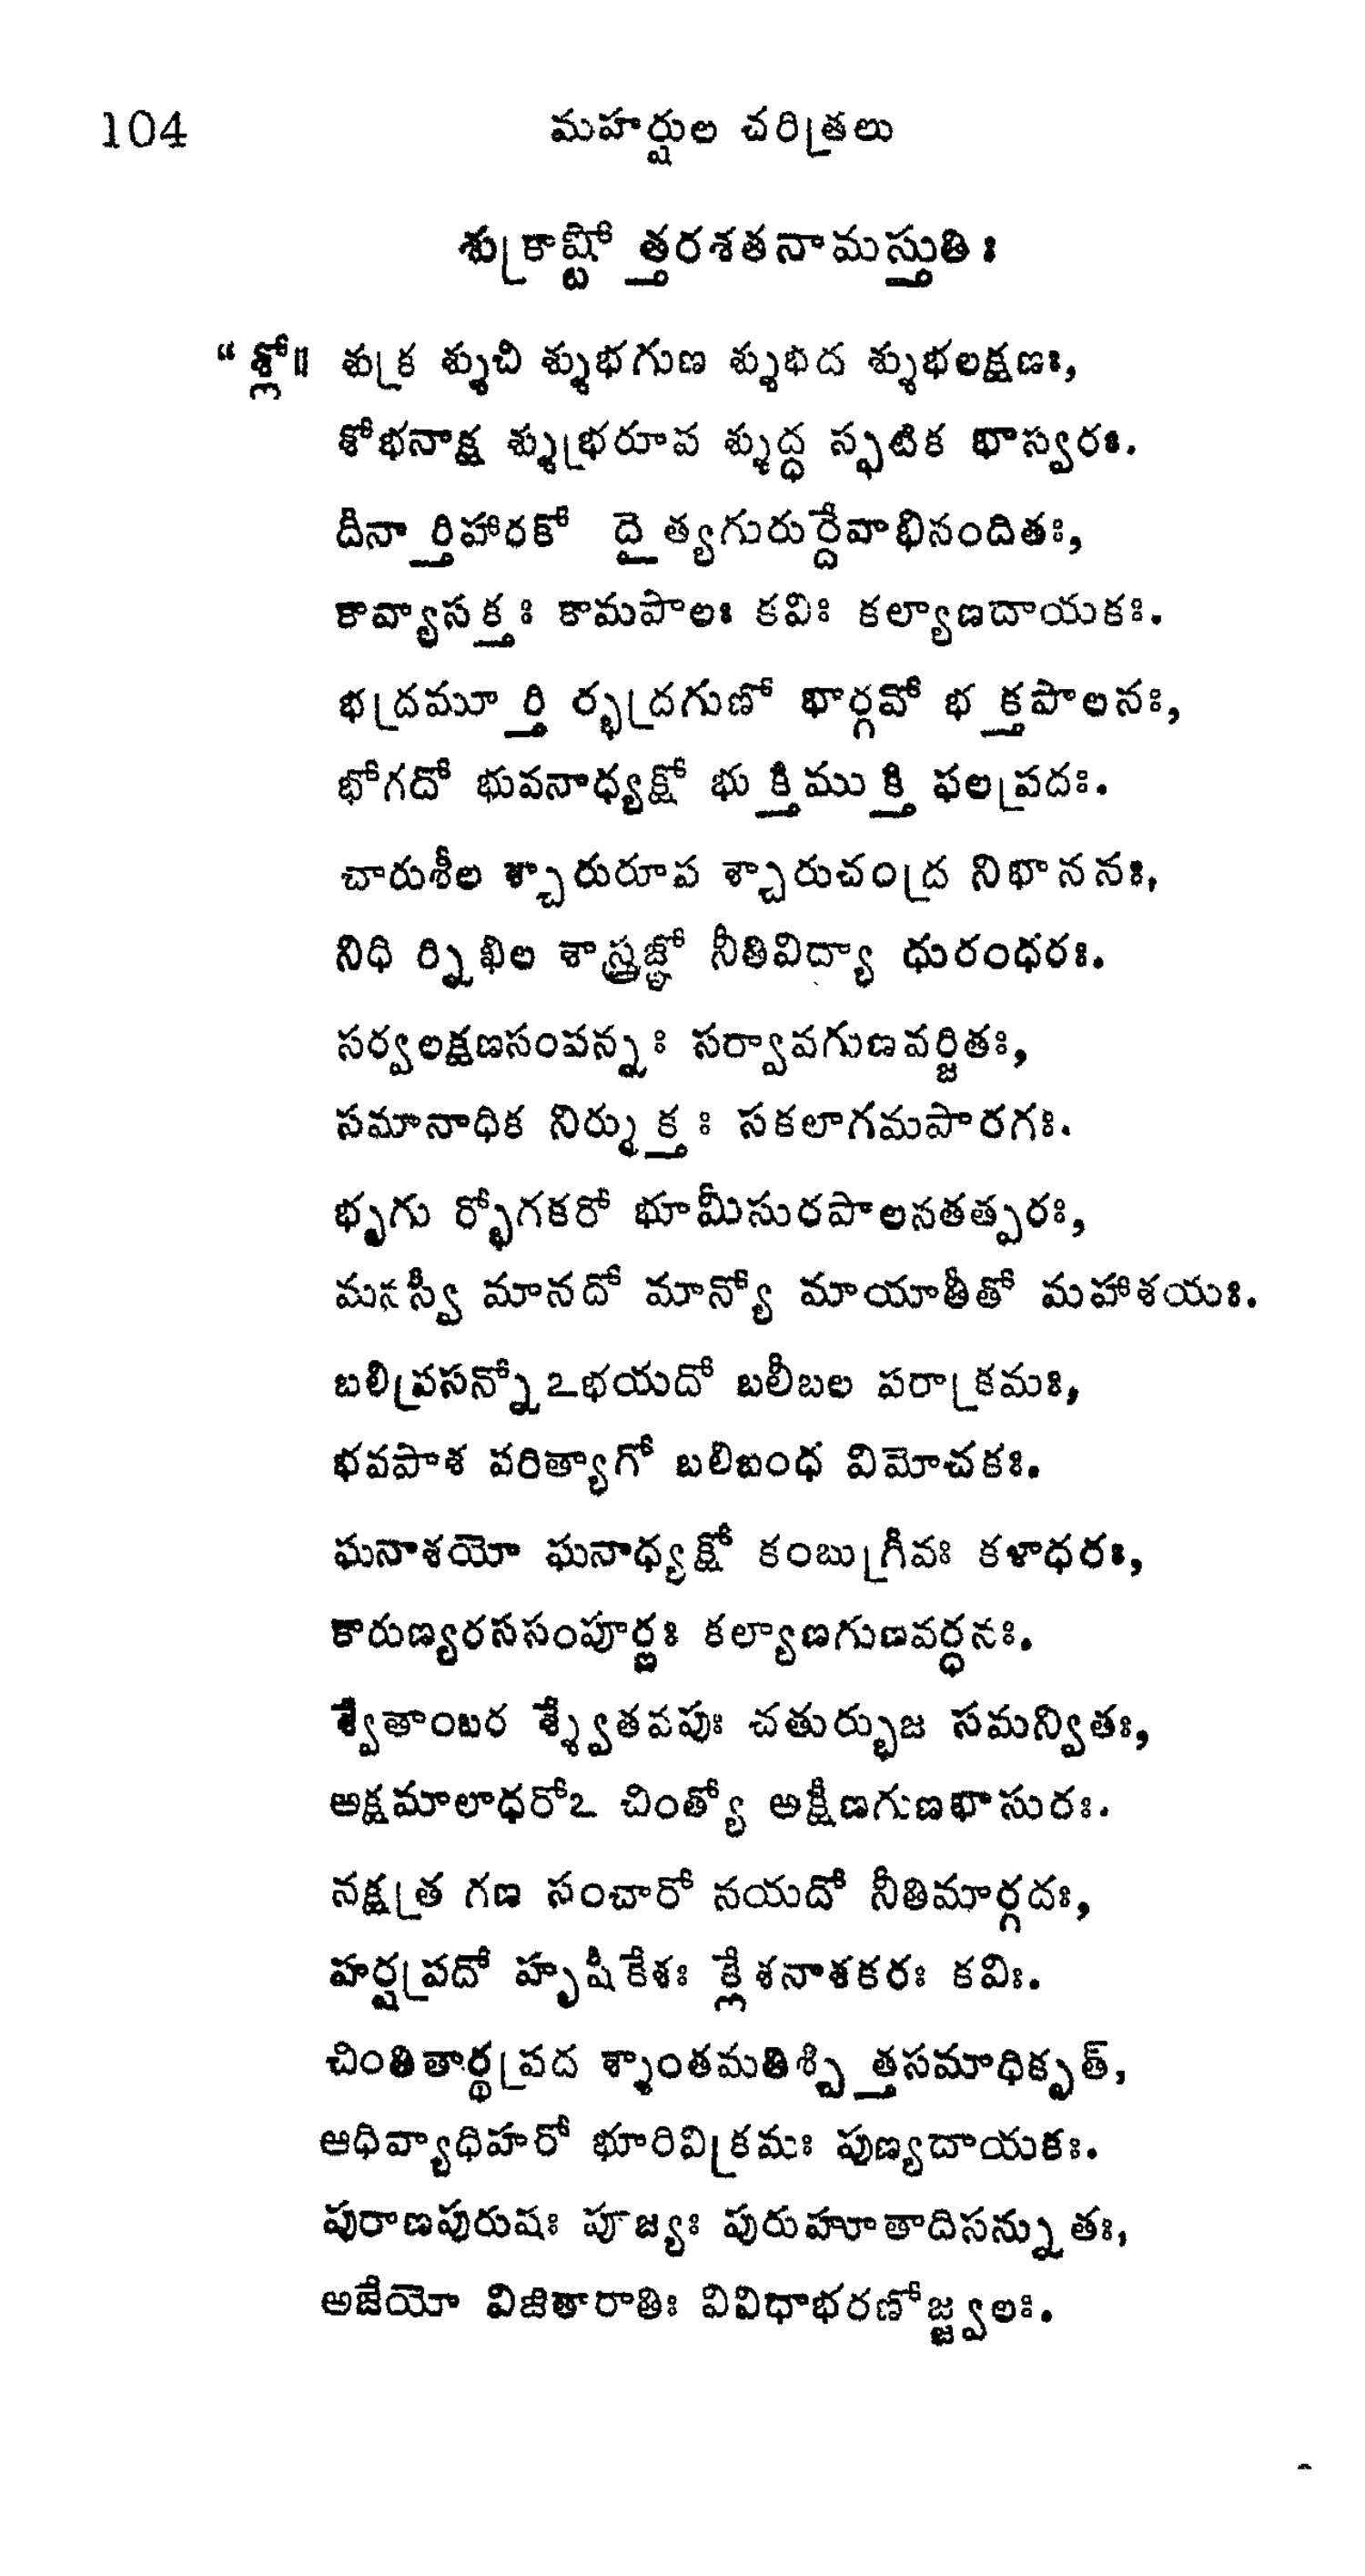శుక్రాష్టో త్తరశతనామస్తుతిః 

"శ్లో|| శుక్ర శ్శుచి శ్శుభగుణ శ్శుభద శ్శుభలక్షణః,
 శోభనాక్ష శుభ్రరూప శుద్ధ స్ఫటిక భాస్వరః. 
 దీనార్తిహారకో దైత్యగురుర్దేవాభినందితః, 
 కావ్యాసక్తః కామపాలః కవిః కల్యాణదాయకః. 
 భద్రమూర్తి ర్భద్రగుణో భార్గవో భక్తపాలనః,
 భోగదో భువనాధ్యక్షో భుక్తి ముక్తి ఫలప్రదః. 
 చారుశీల శ్చారురూప శ్చారుచంద్ర నిభాననః, 
 నిధి ర్నిఖిల శాస్త్రజ్ఞో నీతివిద్యా ధురంధరః. 
 సర్వలక్షణసంపన్నః సర్వావగుణ వర్జితః, 
 సమానాధిక నిర్ముక్తః సకలాగమపారగః. 
 భృగు ర్భోగకరో భూమీసురపాలనతత్పరః, 
 మనస్వీ మానదో మాన్యో మాయాతీతో మహాశయః. 
 బలిప్రసన్నో౽భయదో బలీబల పరాక్రమః, 
 భవపాశ పరిత్యాగో బలీబంధ విమోచకః. 
 ఘనాశయో ఘనాధ్యక్షో కంబుగ్రీవః కళాధరః, 
 కారుణ్యరససంపూర్ణః కల్యాణగుణవర్ధనః. 
 శ్వేతాంబర శ్శ్వేతవపుః చతుర్భుజ సమన్వితః, 
 అక్షమాలాధరో౽ చింత్యో అక్షీణగుణభాసురః. 
 నక్షత్ర గణ సంచారో నయదో నీతిమార్గదః, 
 హర్షప్రదో హృషీకేశః క్లేశనాశకరః కవిః. 
 చింతితార్థప్రద శ్శాంతమతిశ్చి త్తసమాధికృత్, 
 ఆధివ్యాధిహరో భూరివిక్రమః పుణ్యదాయకః. 
 పురాణపురుషః పూజ్యః పురుహూతాదిసన్నుతః, 
 అజేయో విజితారాతి: వివిధాభరణోజ్జ్వలః.